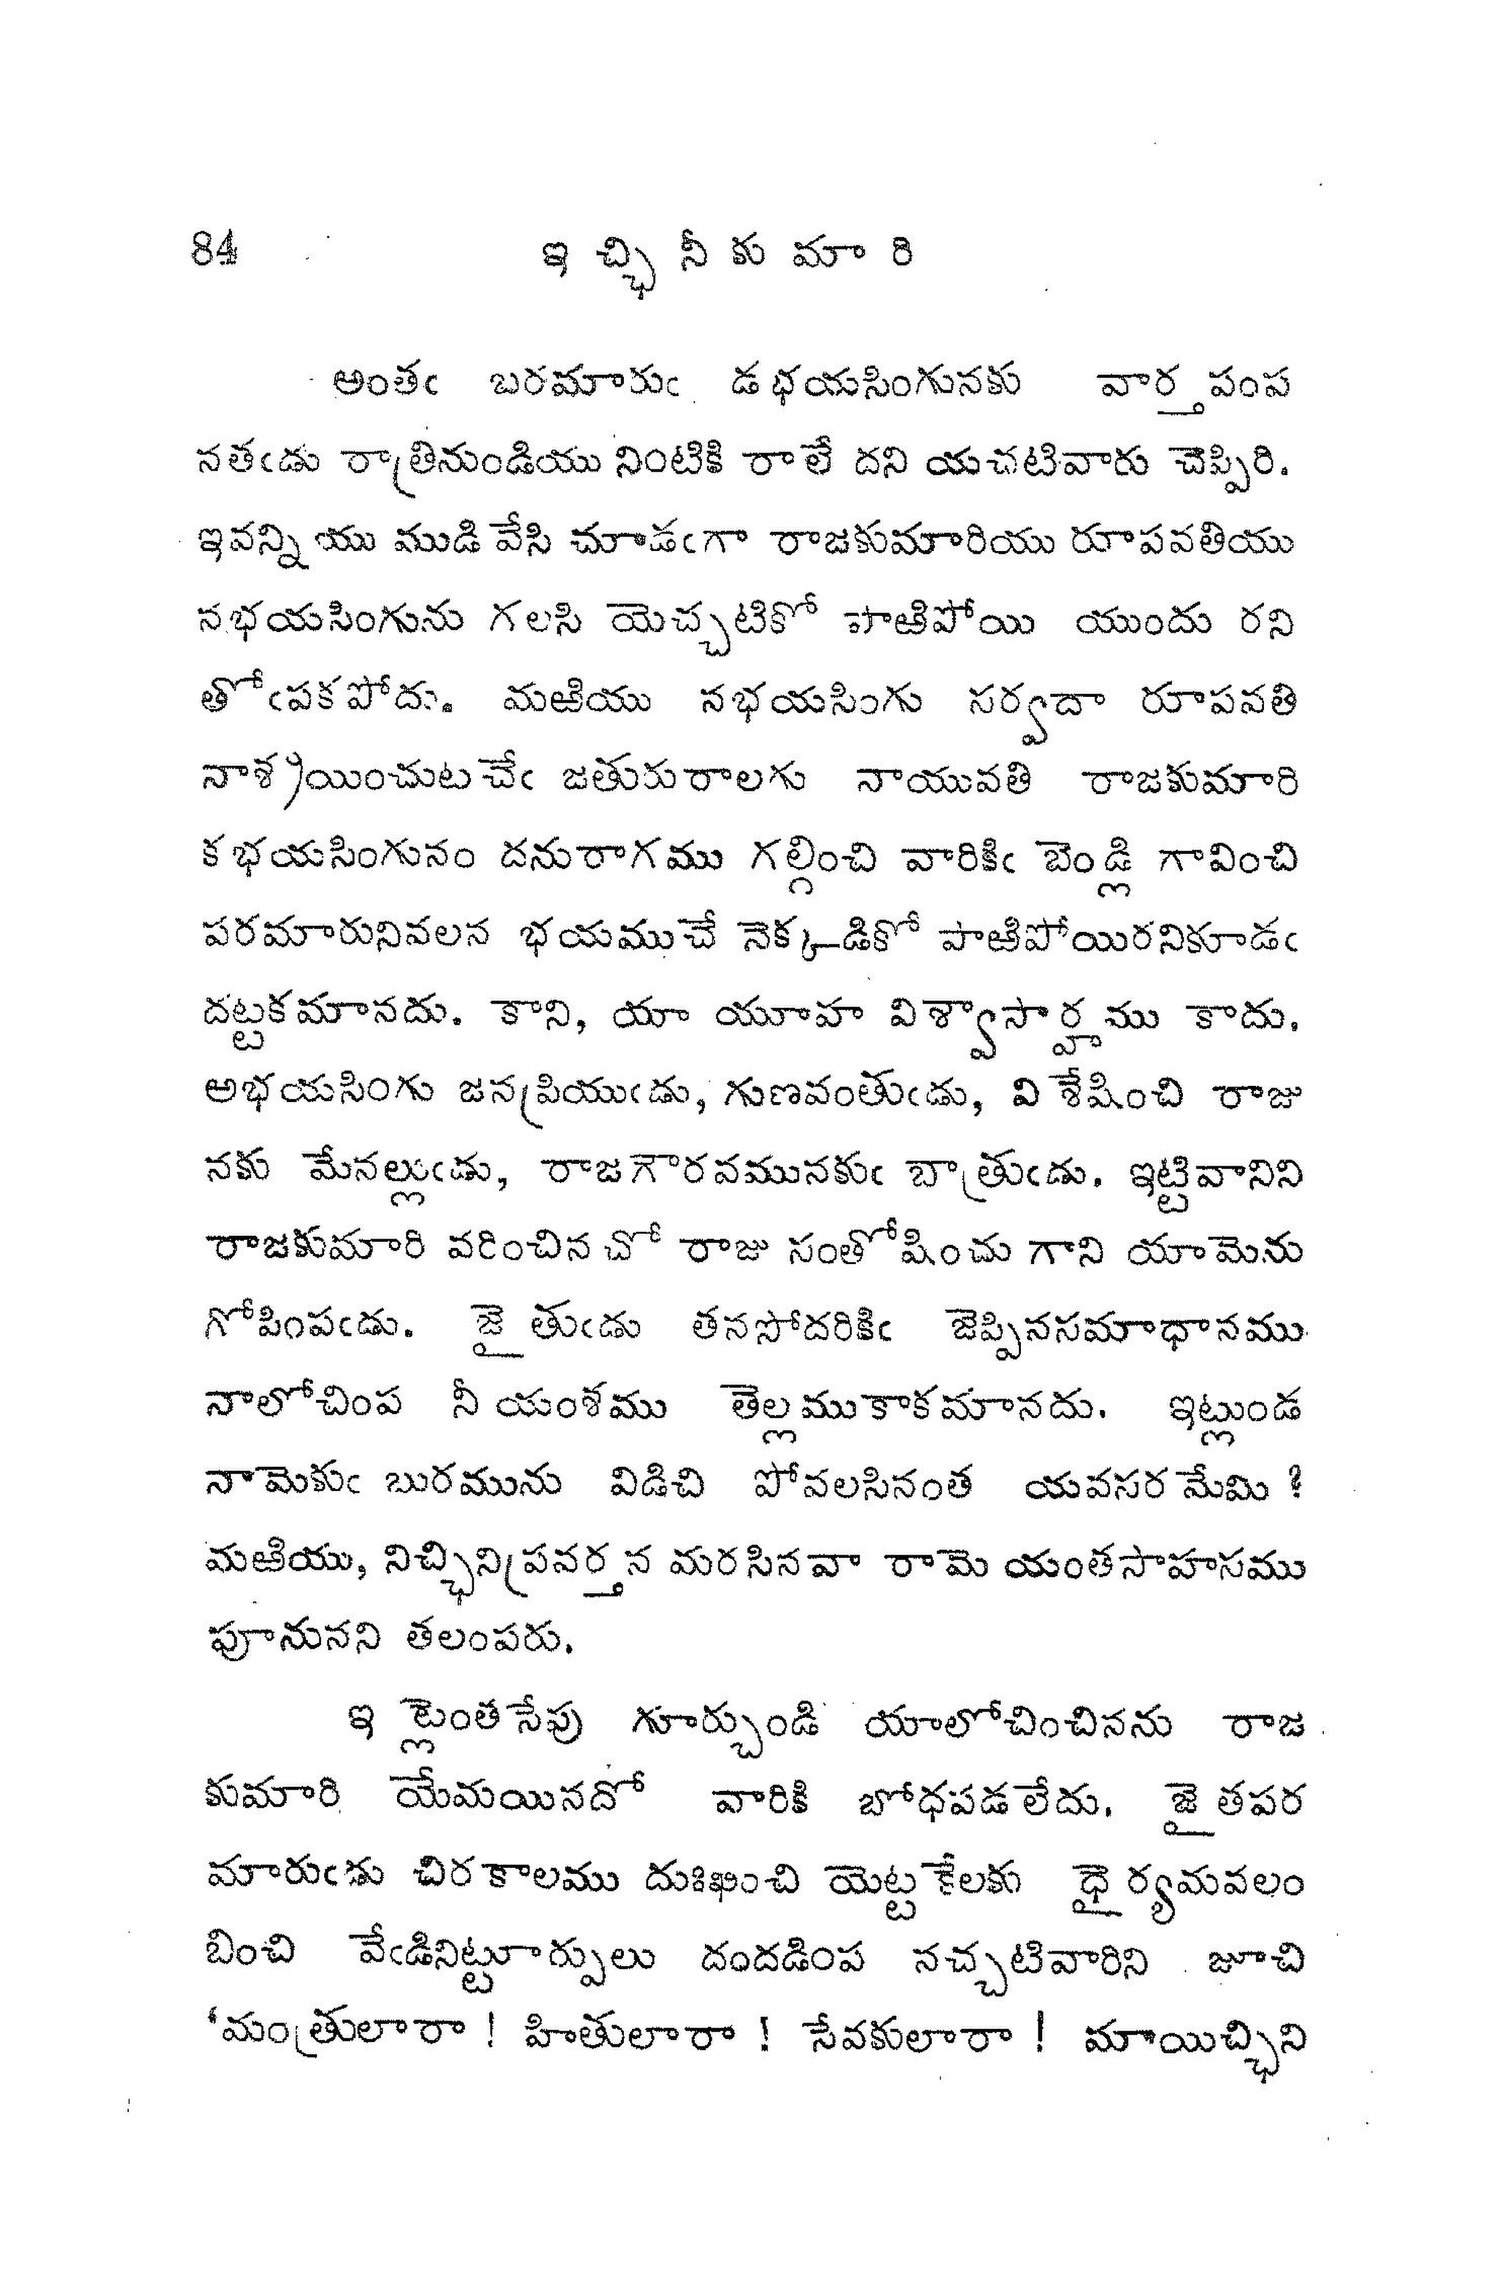గావించి అంతఁ బరమారుఁ డభయసింగునకు వార పంప నతఁడు రాత్రినుండియు నింటికి రాలేదని యచటివారు చెప్పిరి. ఇవన్నియు ముడి వేసి చూడఁగా రాజకుమారియు రూపవతియు నభయసింగును గలసి యెచ్చటికో పాఱిపోయి యుందురని తో పక పోదు. మఱియు నభయసింగు సర్వదా రూపనతి నాశ్రయించుటచేఁ జతురు రాలగు నాయువతి రాజకుమారి కభయసింగునం దనురాగము గల్గించి వారికిఁ బెండ్లి పరమారునివలన భయముచే నెక్కడికో పాఱిపోయిరనికూడఁ దట్టక మానదు. కాని, యా యూహ విశ్వాసార్హము కాదు, అభయసింగు జనప్రియుఁడు, గుణవంతుఁడు, వి శేషించి రాజు నకు మేనల్లుఁడు, రాజ గౌరవమునకుఁ బాత్రుఁడు. ఇట్టివానిని రాజకుమారి వరించిన చో రాజు సంతోషించు గాని యామెను గోపింపఁడు. జై తుఁడు తనసోదరికిఁ జెప్పిన సమాధానము నాలోచింప నీయంశము తెల్లము కాక మానదు. ఇట్లుండ నామెకుఁ బురమును విడిచి పోవలసినంత యవసర మేమి? మఱియు, నిచ్ఛిని ప్రవర్తన మరసిన వా రామె యంత సాహసము పూనునని తలంపరు.

ఇట్లెంత సేపు గూర్చుండి యాలోచించినను రాజ కుమారి యేమయినదో వారికి బోధపడ లేదు. జై తపరమారుఁడు చిరకాలము దుఃఖించి యెట్ట కేలకు ధైర్యమవలం బించి వేఁడినిట్టూర్పులు దందడింప నచ్చటి వారిని 'మంత్రులారా ! హితులారా ! సేవకులారా ! మాయిచ్చిని